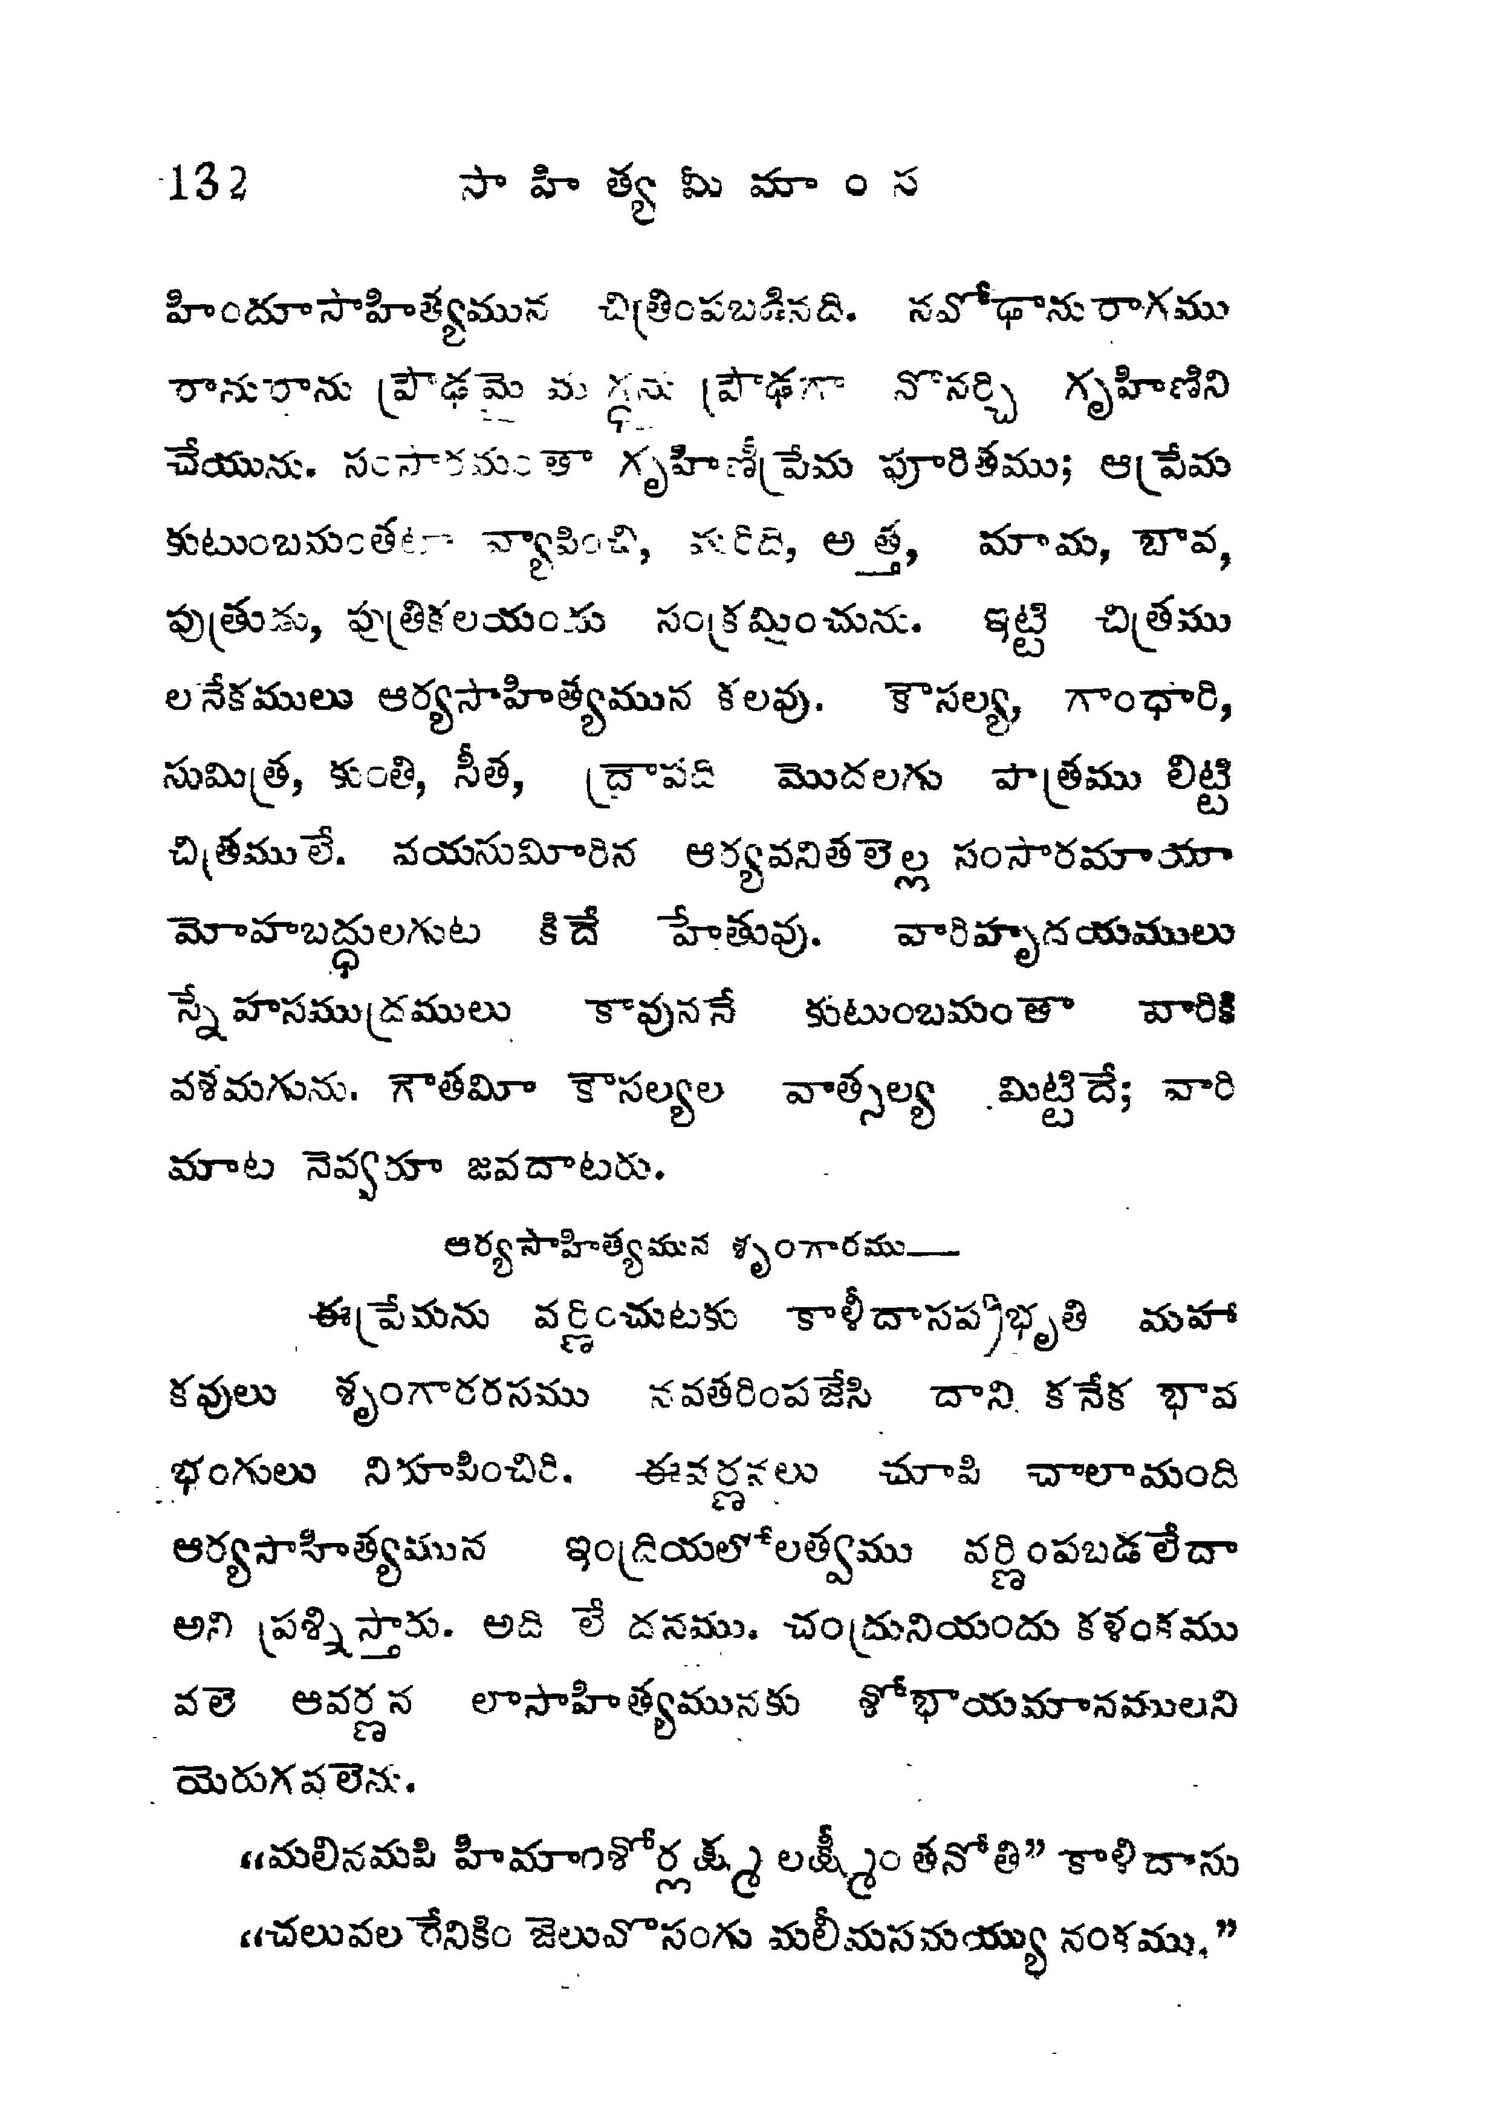హిందూసాహిత్యమున చిత్రింపబడినది. నవోఢానురాగము రానురాను ప్రౌఢమై ముగ్ధను ప్రౌఢగా నొనర్చి గృహిణిని చేయును. సంసారమంతా గృహిణీప్రేమ పూరితము; ఆప్రేమ కుటుంబమంతటా వ్యాపించి, మరిది, అత్త, మామ, బావ, పుత్రుడు, పుత్రికలయందు సంక్రమించును. ఇట్టి చిత్రము లనేకములు ఆర్యసాహిత్యమున కలవు. కౌసల్య, గాంధారి, సుమిత్ర, కుంతి, సీత, ద్రౌపది మొదలగు పాత్రము లిట్టి చిత్రములే. వయసుమీరిన ఆర్యవనితలెల్ల సంసారమాయా మోహబద్ధులగుట కిదే హేతువు. వారిహృదయములు స్నేహసముద్రములు కావుననే కుటుంబమంతా వారికి వశమగును. గౌతమీ కౌసల్యల వాత్సల్య మిట్టిదే; వారి మాట నెవ్వరూ జవదాటరు.

ఈప్రేమను వర్ణించుటకు కాళీదాసప్రభృతి మహాకవులు శృంగారరసము నవతరింపజేసి దాని కనేక భావ భంగులు నిరూపించిరి. ఈవర్ణనలు చూపి చాలామంది ఆర్యసాహిత్యమున ఇంద్రియలోలత్వము వర్ణింపబడలేదా అని ప్రశ్నిస్తారు. అది లే దనము. చంద్రునియందు కళంకమువలె ఆవర్ణన లాసాహిత్యమునకు శోభాయమానములని యెరుగవలెను.

 "మలినమపి హిమాంశోర్లక్ష్మ లక్ష్మీంతనోతి" కాళిదాసు
 "చలువల రేనికిం జెలువొసంగు మలీమసమయ్యు నంకము."